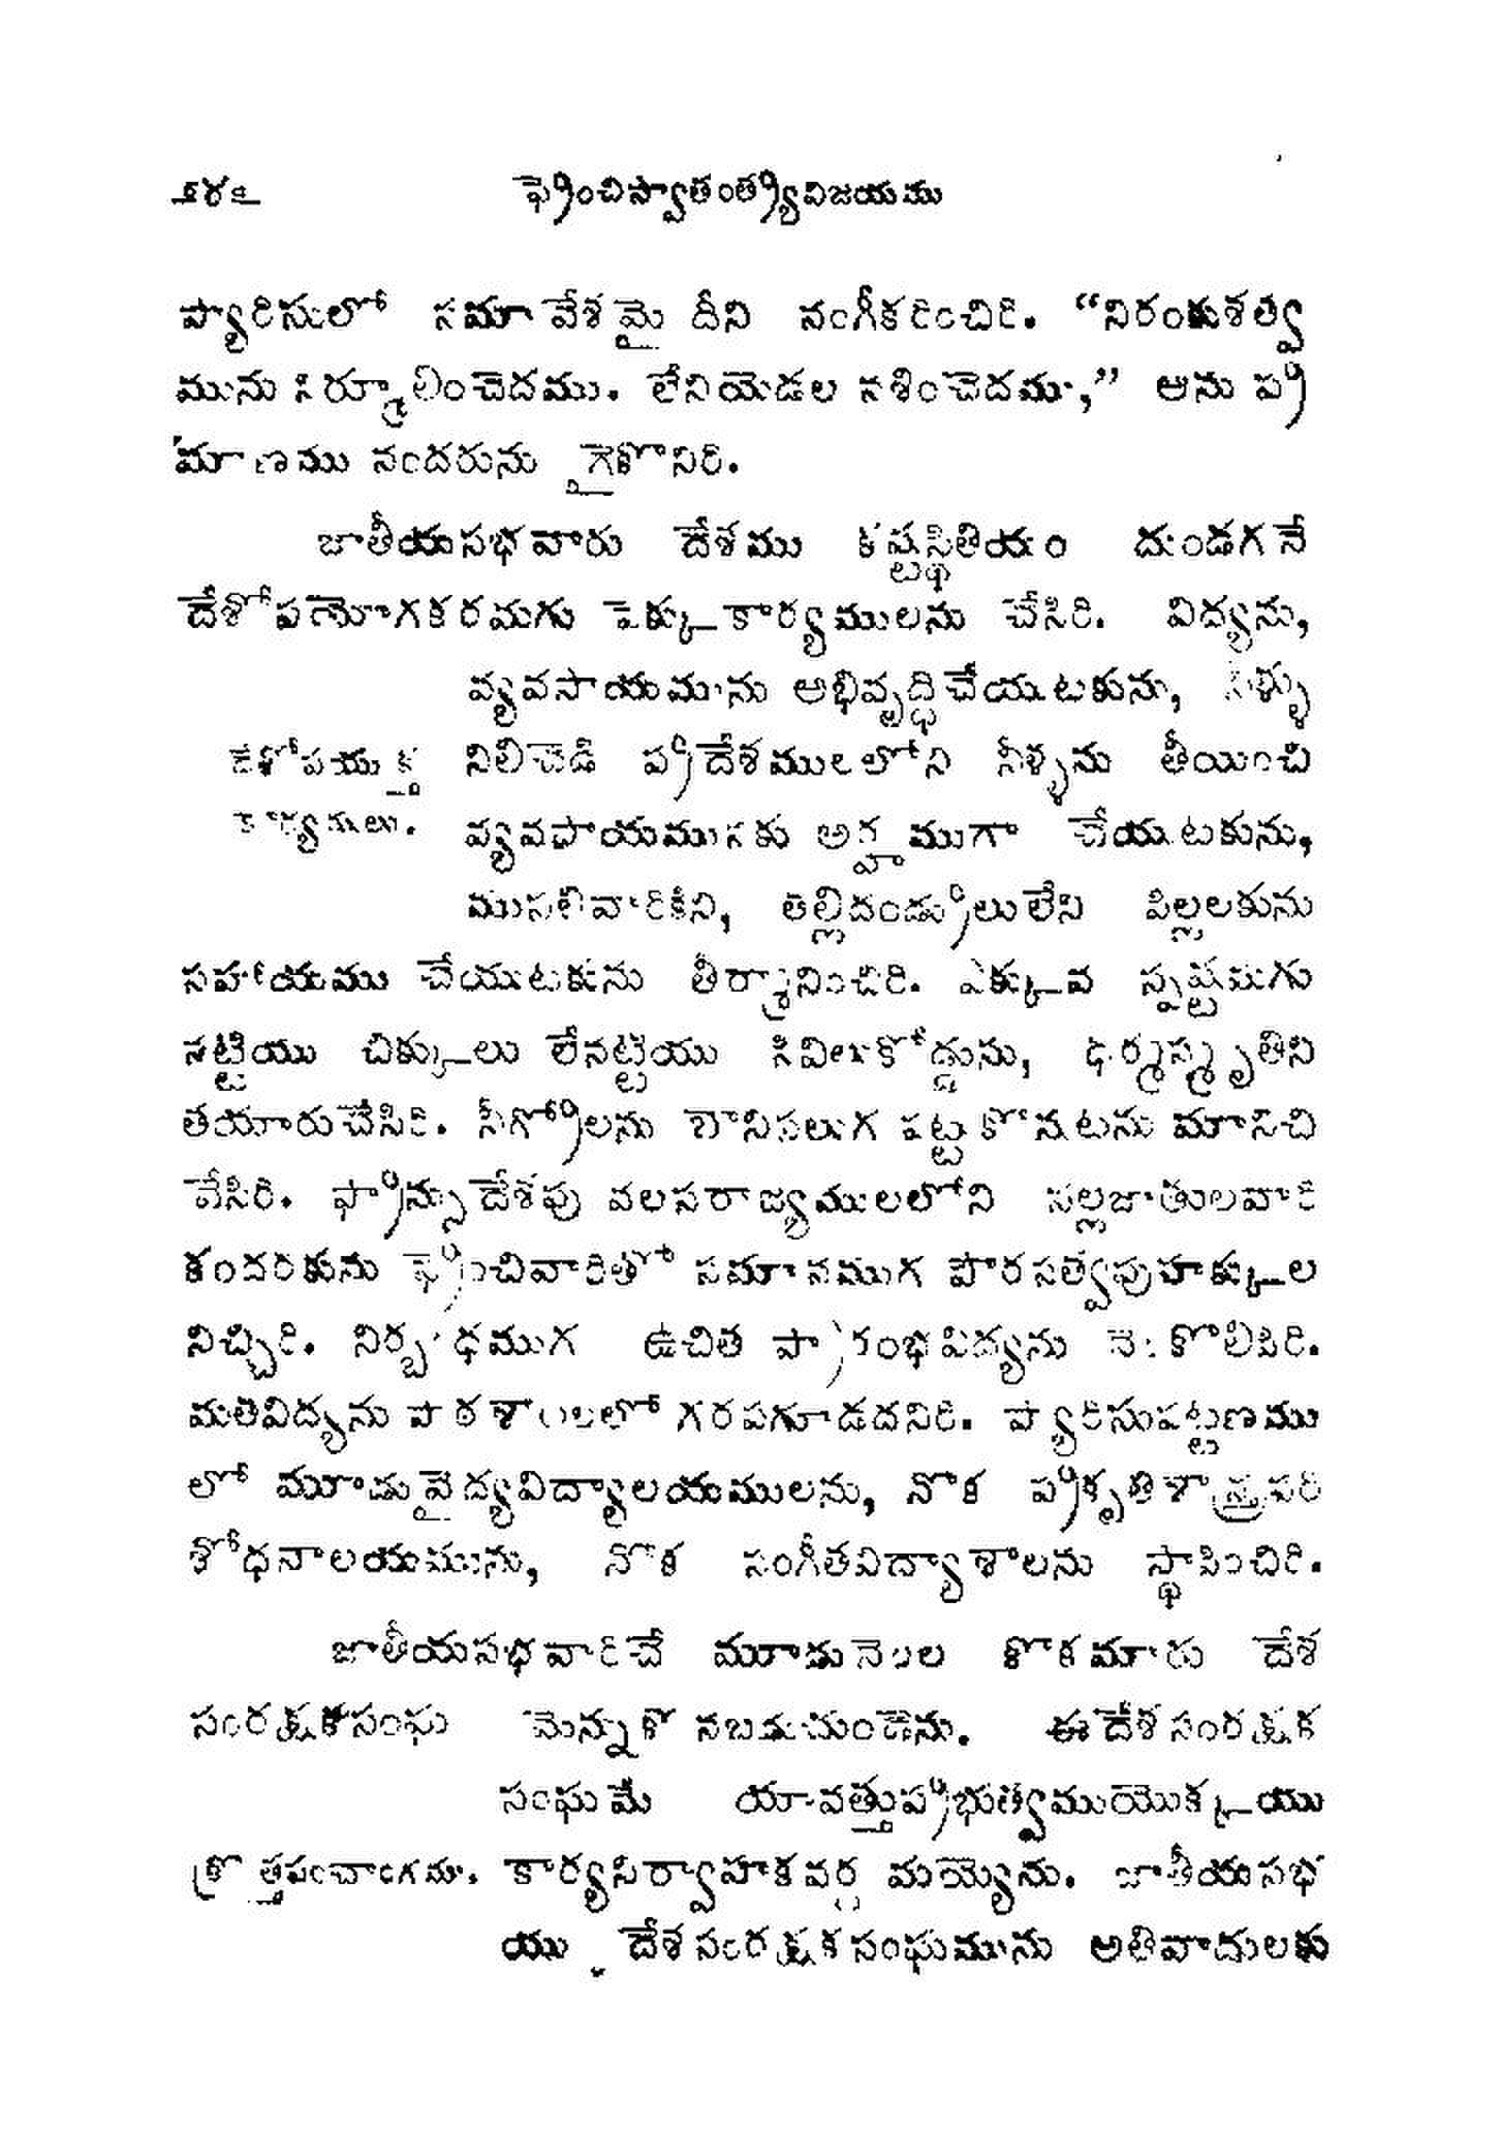ప్యారిసులో సమావేశమై దీని నంగీక రించిరి. "నిరంకుశత్వ
మును నిర్మూలించెదము. లేని యెడల నశించెదము,” ఆసు ప్ర
'మాణము నందరును గైకొనిరి..

దేశోపయుక్త
కార్యములు
జాతీయసభ వారు 'దేశము కష్టస్థితియం దుండగనే
దేశోపయోగకరమగు పెక్కు కార్యములను చేసిరి. విద్యను,
వ్యవసాయమును అభివృద్ధి చేయుటకును, నీళ్ళు
నిలిచెడి ప్రదేశమ్ములోని నీళ్ళను తీయించి
వ్యవసాయము సకు అర్హముగా చేయుటకును,
ముసలి వారికిని, తల్లిదండ్రులు లేని పిల్లలకును
సహాయము చేయుటకును తీర్మానించిరి. ఎక్కువ స్పష్టమగు
నట్టియు చిక్కులు లేనట్టియు సివిల్ కోడ్డుసు, ధర్మస్మృతిని
తయారు చేసిరి . నీగ్రోలను "బానిసలుగ పట్టకొనుట మానిచి 
వేసిరి. ఫ్రాన్సు దేశపు వలసరాజ్యము లలోని నల్లజాతులవారి
కందరకును ఫ్రెంచివారితో సమానముగ పౌర సత్వపు హక్కుల
నిచ్చి . నిర్బంధముగ ఉచిత ప్రారంబభ విద్యను నెలకొలిపిరి.
మతవిద్యను పాఠశాలలో గరపగూడదని. ప్యారిసు పట్టణము
లో మూడు వైద్య విద్యాలయములను, నొక ప్రకృతి శాస్త్రము
శోధనాలయమును, నొక సంగీతవిద్యా శాలను స్థాపించిరి .

కొత్తపంచాంగము, 
జూతీయసభ వారి చే మూడు నెల కొకమారు దేశ
సంరక్షక సంఘ మెన్నుకొన బడు చుండెను. ఈ దేశ సంరక్షక
సంఘమే యావత్తు ప్రభుత్వము యొక్కయు
కార్యనిర్వాహక వర్గ మయ్యెను. జాతీయసభ
యు, దేశ సంరక్షక సంఘమును అతివాదులకు